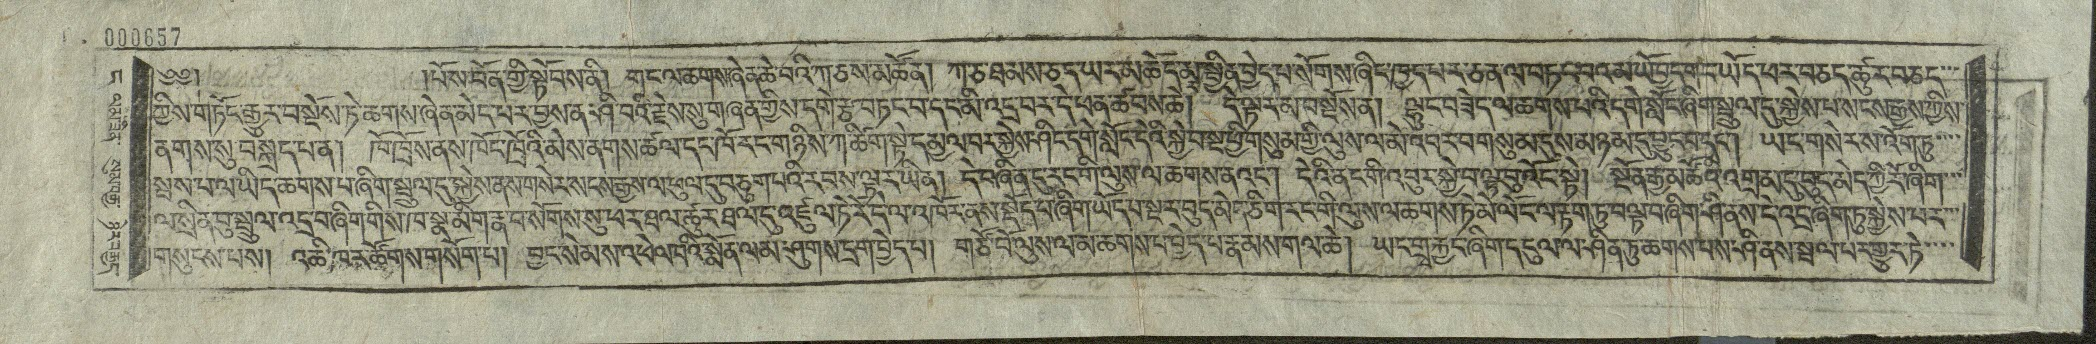༄༅། །པོ་ས་བོན་གྱི་སྟོབས་ནི། གང་ལ་ཆགས་ཞེན་ཆེ་བའི་ཀ་ཅས་མཚོན། ཀ་ཅ་ཐམས་ཅད་ཡར་མཆོད་མར་སྦྱིན་བྱེད་པ་སོགས་ཞིང་ཁྱད་པར་ཅན་ལ་བཏང་བའམ་ཡོ་བྱད་གང་ཡོད་ཕར་བཅད་ཚུར་བཅད་
ཀྱིས་གཏོང་རྒྱུར་བསྔོས་ཏེ་ཆགས་ཞེན་མེད་པར་བྱས་ན་ཤི་བའི་རྗེས་སུ་གཞན་གྱིས་དགེ་རྩ་བཏང་བ་དང་མི་འདྲ་བར་དེ་ཕན་ཚབས་ཆེ། དེ་ལྟར་མ་བསྔོས་ན། ལྷུང་བཟེད་ལ་ཆགས་པའི་དགེ་སློང་ཞིག་སྦྲུལ་དུ་སྐྱེས་པ་སངས་རྒྱས་ཀྱིས་
ནགས་སུ་བསྐྲད་པ་ན། ཁོ་ཁྲོས་ནས་ཁོང་ཁྲོའི་མེས་ནགས་ཚལ་དང་ཁོ་རང་གཉིས་ཀ་ཚིག་སྟེ་དམྱལ་བར་སྐྱེས་ཤིང་དགེ་སློང་དེའི་སྐྱེ་བ་སྔ་ཕྱི་གསུམ་གྱི་ལུས་ལ་མེ་འབར་བ་གསུམ་དུས་མཉམ་དུ་བྱུང་བ་དང་། ཡང་གསེར་ས་འོག་ཏུ་
སྦས་པ་ལ་ཡིད་ཆགས་པ་ཞིག་སྦྲུལ་དུ་སྐྱེས་ནས་གསེར་སངས་རྒྱས་ལ་ཕུལ་དུ་བཅུག་པའི་རབས་ལྟར་ཡིན། དེ་བཞིན་དུ་རང་གི་ལུས་ལ་ཆགས་ནའང་། དེའི་ནང་གི་འབུར་སྐྱེ་བ་ལྟ་བུ་འོང་སྟེ། སྔོན་རྒྱ་མཚོའི་འགྲམ་དུ་བུད་མེད་ཀྱི་རོ་ཞིག་
ལ་སྲིན་བུ་སྦྲུལ་འདྲ་བ་ཞིག་གིས་ཁ་སྣ་མིག་རྣ་བ་སོགས་སུ་ཕར་ཐལ་ཚུར་ཐལ་དུ་འཛུལ་ཏེ་རོ་དེ་ལ་འཁོར་ནས་སྡོད་པ་ཞིག་ཡོད་པ་སྔར་བུད་མེད་ཅིག་རང་གི་ལུས་ལ་ཆགས་ཏེ་མེ་ལོང་ལ་རྟག་ཏུ་བལྟ་བ་ཞིག་ཤི་ནས་དེ་འདྲ་ཞིག་ཏུ་སྐྱེས་པར་
གསུངས་པས། འཆི་ཁར་ཚོགས་གསོག་པ། བྱང་སེམས་འཕེལ་བའི་སྨོན་ལམ་ཤུགས་དྲག་བྱེད་པ། གཙོ་བོ་ལུས་ལ་མ་ཆགས་པ་བྱེད་པ་རྣམས་གལ་ཆེ། ཡང་གྲྭ་ཞིག་དངུལ་ལ་ཤིན་ཏུ་ཆགས་པས་ཤི་ནས་སྦལ་པར་གྱུར་ཏེ་